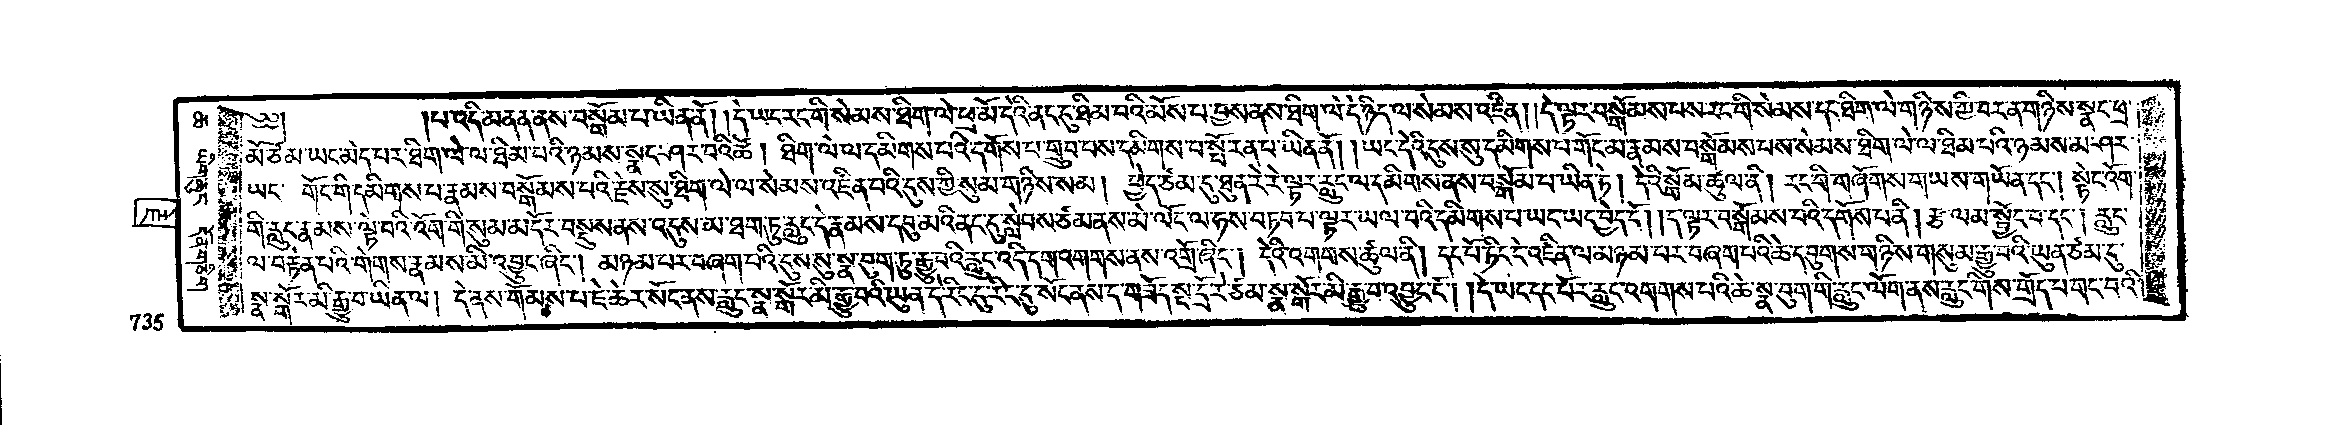༄༅། །པ་འདི་མནན་ནས་བསྒོམ་པ་ཡིན་ནོ། །དེ་ཡང་རང་གི་སེམས་ཐིག་ལེ་ཕྲ་མོ་དེའི་ནང་དུ་ཐིམ་པའི་མོས་པ་བྱས་ནས་ཐིག་ལེ་དེ་ཉིད་ལ་སེམས་འཛིན། །དེ་ལྟར་བསྒོམས་པས་རང་གི་སེམས་དང་ཐིག་ལེ་གཉིས་ཀྱི་བར་ན་གཉིས་སྣང་ཕྲ་
མོ་ཙམ་ཡང་མེད་པར་ཐིག་ལེ་ལ་ཐིམ་པའི་ཉམས་སྣང་ཤར་བའི་ཚེ། ཐིག་ལེ་ལ་དམིགས་པའི་དགོས་པ་གྲུབ་པས་དམིགས་པ་སྤོ་རན་པ་ཡིན་ནོ། །ཡང་དེའི་དུས་སུ་དམིགས་པ་གོང་མ་རྣམས་བསྒོམས་པས་སེམས་ཐིག་ལེ་ལ་ཐིམ་པའི་ཉམས་མ་ཤར་
ཡང་གོང་གི་དམིགས་པ་རྣམས་བསྒོམས་པའི་རྗེས་སུ་ཐིག་ལེ་ལ་སེམས་འཛིན་པའི་དུས་ཀྱི་སུམ་གཉིས་སམ། ཕྱེད་ཙམ་དུ་ཐུན་རེ་རེ་ལྟར་རླུང་ལ་དམིགས་ནས་བསྒོམ་པ་ཡིན་ཏེ། དེའི་སྒོམ་ཚུལ་ནི། རང་གི་གཞོགས་གཡས་གཡོན་དང་། སྟེང་འོག་
གི་རླུང་རྣམས་ལྟེ་བའི་འོག་གི་སུམ་མདོར་བསྡུས་ནས་འདུས་མ་ཐག་ཏུ་རླུང་དེ་རྣམས་དབུ་མའི་ནང་དུ་སླེབས་ཙམ་ནས་མེ་ལང་ལ་ཧས་བཏབ་པ་ལྟར་ཡལ་བའི་དམིགས་པ་ཡང་ཡང་བྱེད་དོ། །ད་ལྟར་བསྒོམས་པའི་དགོས་པ་ནི། རྩ་ལམ་སྦྱོང་བ་དང་། རླུང་
ལ་བརྟེན་པའི་གེགས་རྣམས་མི་འབྱུང་ཞིང་། མཉམ་པར་བཞག་པའི་དུས་སུ་སྣ་བུག་ཏུ་རྒྱུ་བའི་རླུང་འདི་དག་འགགས་ནས་འགྲོ་ཞིང་། དེའི་འགགས་ཚུལ་ནི། དང་པོ་ཏིང་ངེ་འཛིན་ལ་མཉམ་པར་བཞག་པའི་ཆེ་དབུགས་གཉིས་གསུམ་རྒྱུ་བའི་ཡུན་ཙམ་དུ་
སྣ་སྒོར་མི་རྒྱུ་བ་ཡིན་ལ། དེ་ནས་གོམས་པ་ཇེ་ཆེར་སོང་ནས་རླུང་སྣ་སྒོར་མི་རྒྱུ་བའི་ཡུན་དེ་རིང་དུ་རིང་དུ་སོང་ནས་ད་གཟོད་སྔ་དྲོ་རེ་ཙམ་སྣ་སྒོར་མི་རྒྱུ་བ་འབྱུང་ངོ། །དེ་ཡང་དང་པོར་རླུང་འགགས་པའི་ཆེ་སྣ་བུག་གི་རླུང་ལོག་ནས་རླུང་གིས་གྲོད་པ་གང་བའི་